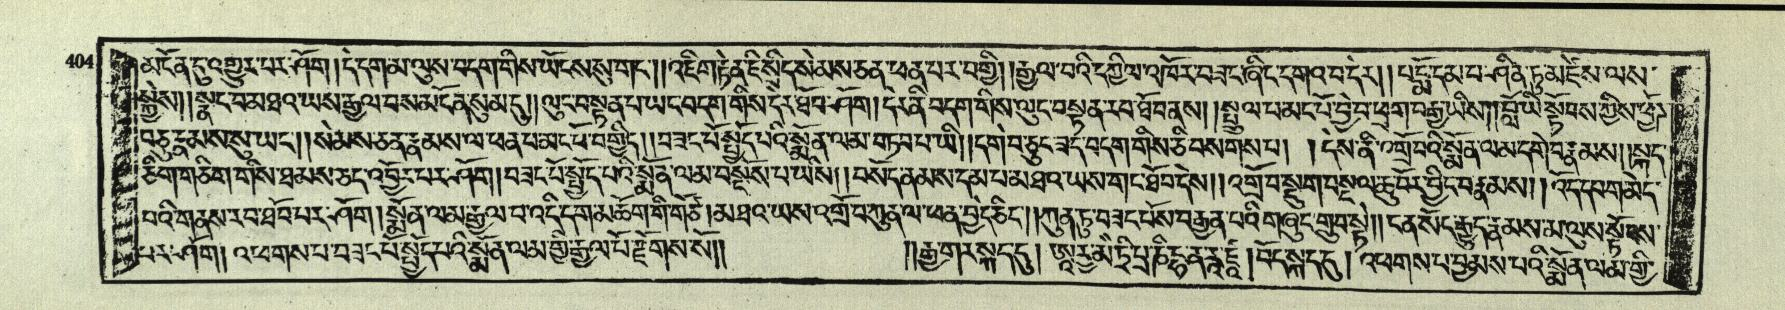མངོན་དུ་འགྱུར་པར་ཤོག །དེ་དག་མ་ལུས་བདག་གིས་ཡོངས་སུ་གང་། །འཇིག་རྟེན་ཇི་སྲིད་སེམས་ཅན་ཕན་པར་བགྱི། །རྒྱལ་བའི་དཀྱིལ་འཁོར་བཟང་ཞིང་དགའ་བ་དེར། །པདམོ་དམ་པ་ཤིན་ཏུ་མཛེས་ལས་
སྐྱེས། །སྣང་བ་མཐའ་ཡས་རྒྱལ་བས་མངོན་སུམ་དུ། །ལུང་བསྟན་པ་ཡང་བདག་གིས་དེར་ཐོབ་ཤོག། །དེར་ནི་བདག་གིས་ལུང་བསྟན་རབ་ཐོབ་ནས། །སྤྲུལ་པ་མང་པོ་བྱེ་བ་ཕྲག་བརྒྱ་ཡིས། །བློ་ཡི་སྟོབས་ཀྱིས་ཕྱོཌ་
བཅུ་རྣམས་སུ་ཡང་། །སེམས་ཅན་རྣམས་ལ་ཕན་པ་མང་པོ་བགྱིད། །བཟང་པོ་སྤྱོད་པའི་སྨོན་ལམ་བཏབ་པ་ཡི། །དགེ་བ་ཅུང་ཟད་བདག་གིས་ཅི་བསགས་པ། །དེས་ནི་འགྲོ་བའི་སྨོན་ལམ་དགེ་བ་རྣམས། །སྐད་
ཅིག་གཅིག་གིས་ཐམས་ཅད་འབྱོར་པར་ཤོག །བཟང་པོ་སྤྱོད་པའི་སྨོན་ལམ་བསྡོས་པ་ཡིས། །བསོད་ནམས་དམ་པ་མཐའ་ཡས་གང་ཐོབ་དེས། །འགྲོ་བ་སྡུག་བསྔལ་ཆུ་བོར་བྱིང་བ་རྣམས། །འོད་དཔག་མེད་
པའི་གནས་རབ་ཐོབ་པར་ཤོག །སྨོན་ལམ་རྒྱལ་བ་འདི་དག་མཆོག་གི་གཙོ། །མཐའ་ཡས་འགྲོ་བ་ཀུན་ལ་ཕན་བྱེད་ཅིང་། །ཀུན་ཏུ་བཟང་པོས་བརྒྱན་པའི་གཞུང་གྲུབ་སྟེ། །ངན་སོང་རྒྱུད་རྣམས་མ་ལུས་སྟོབས་
པར་ཤོག། འཕགས་པ་བཟང་པོ་སྤྱོད་པའི་སྨོན་ལམ་གྱི་རྒྱལ་པོ་རྫོགས་སོ།། །།རྒྱ་གར་སྐད་དུ། ཨཱ་རྱ་མཻ་ཏྲི་པྲ་ཎི་དྷ་ན་རཱ་ཛཱ། བོད་སྐད་དུ། འཕགས་པ་བྱམས་པའི་སྨོན་ལམ་གྱི་